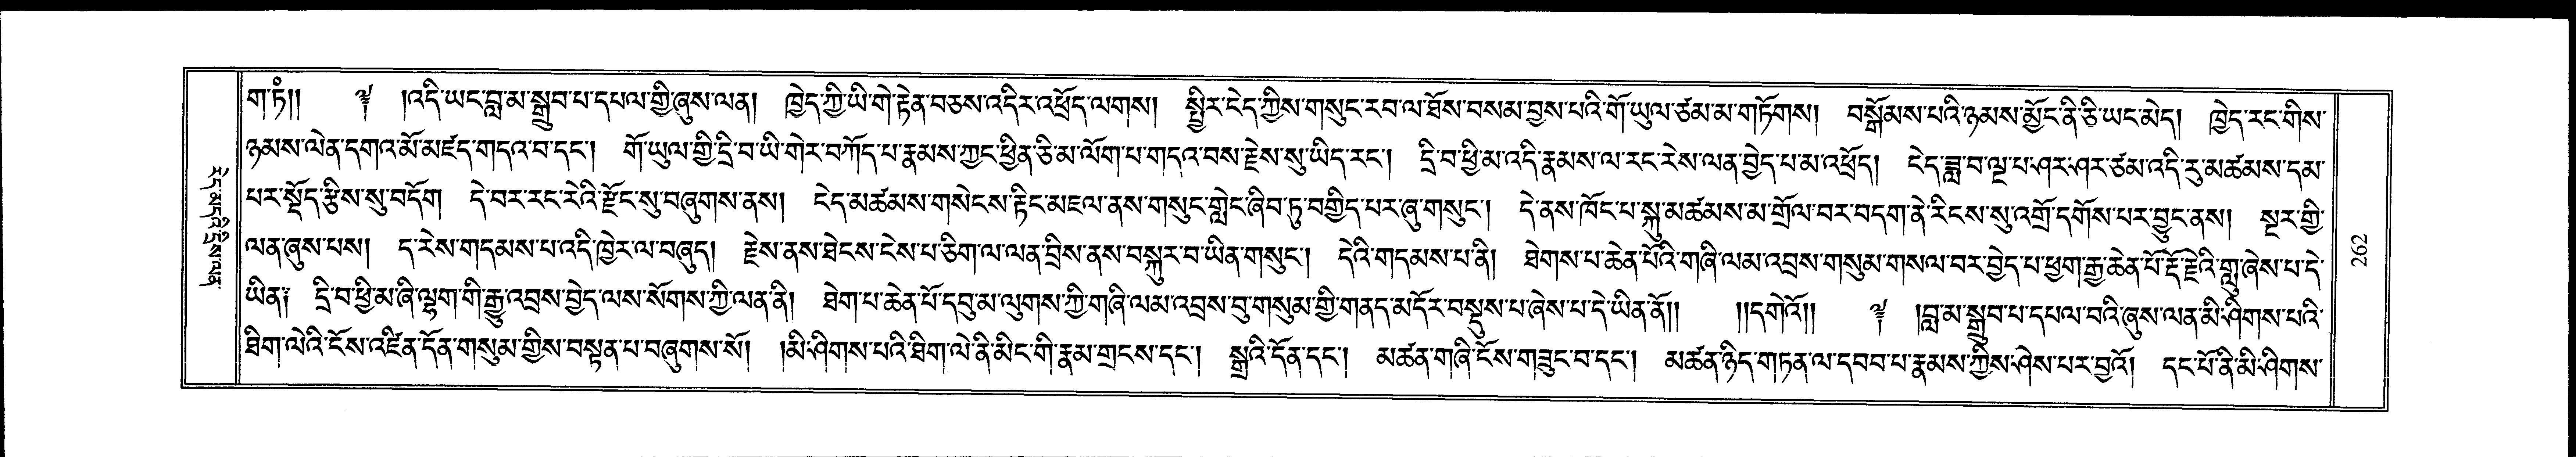ག་ཏཾ།། ༈ །འདི་ཡང་བླ་མ་སྒྲུབ་པ་དཔལ་གྱི་ཞུས་ལན། ཁྱེད་ཀྱི་ཡི་གེ་རྟེན་བཅས་འདིར་འཕྲོད་ལགས། སྤྱིར་ངེད་ཀྱིས་གསུང་རབ་ལ་ཐོས་བསམ་བྱས་པའི་གོ་ཡུལ་ཙམ་མ་གཏོགས། བསྒོམས་པའི་ཉམས་མྱོང་ནི་ཅི་ཡང་མེད། ཁྱེད་རང་གིས་
ཉམས་ལེན་དགའ་མོ་མཛད་གདའ་བ་དང་། གོ་ཡུལ་གྱི་དྲི་བ་ཡི་གེར་བཀོད་པ་རྣམས་ཀྱང་ཕྱིན་ཅི་མ་ལོག་པ་གདའ་བས་རྗེས་སུ་ཡིད་རང་། དྲི་བ་ཕྱི་མ་འདི་རྣམས་ལ་རང་རེས་ལན་བྱེད་པ་མ་འཕྲོད། ངེད་ཟླ་བ་ལྔ་པ་ཤར་ཤར་ཙམ་འདི་རུ་མཚམས་དམ་
པར་སྡོད་རྩིས་སུ་བདོག་དེ་བར་རང་རེའི་རྫོང་སུ་བཞུགས་ནས། ངེད་མཚམས་གསེངས་རྟིང་མཇལ་ནས་གསུང་གླེང་ཞིབ་ཏུ་བགྱིད་པར་ཞུ་གསུང་། དེ་ནས་ཁོང་པ་སྐུ་མཚམས་མ་གྲོལ་བར་བདག་ནེ་རིངས་སུ་འགྲོ་དགོས་པར་བྱུང་ནས། སྔར་གྱི་
ལན་ཞུས་པས། ད་རེས་གདམས་པ་འདི་ཁྱེར་ལ་བཞུད། རྗེས་ནས་ཐེངས་ངེས་པ་ཅིག་ལ་ལན་བྲིས་ནས་བསྐུར་བ་ཡིན་གསུང་། དེའི་གདམས་པ་ནི། ཐེགས་པ་ཆེན་པོའི་གཞི་ལམ་འབྲས་གསུམ་གསལ་བར་བྱེད་པ་ཕྱག་རྒྱ་ཆེན་པོ་རྡོ་རྗེའི་གླུ་ཞེས་པ་དེ་
ཡིན། དྲི་བ་ཕྱི་མ་ཞི་ལྷག་གི་རྒྱུ་འབྲས་བྱེད་ལས་སོགས་ཀྱི་ལན་ནི། ཐེག་པ་ཆེན་པོ་དབུ་མ་ལུགས་ཀྱི་གཞི་ལམ་འབྲས་བུ་གསུམ་གྱི་གནད་མདོར་བསྡུས་པ་ཞེས་པ་དེ་ཡིན་ནོ།། །།དགེའོ།། ༈ །བླ་མ་སྒྲུབ་པ་དཔལ་བའི་ཞུས་ལན་མི་ཤིགས་པའི་
ཐིག་ལེའི་ངོས་འཛིན་དོན་གསུམ་གྱིས་བསྟན་པ་བཞུགས་སོ། །མི་ཤིགས་པའི་ཐིག་ལེ་ནི་མིང་གི་རྣམ་གྲངས་དང་། སྒྲའི་དོན་དང་། མཚན་གཞི་ངོས་གཟུང་བ་དང་། མཚན་ཉིད་གཏན་ལ་དབབ་པ་རྣམས་ཀྱིས་ཤེས་པར་བྱའོ། དང་པོ་ནི་མི་ཤིགས་